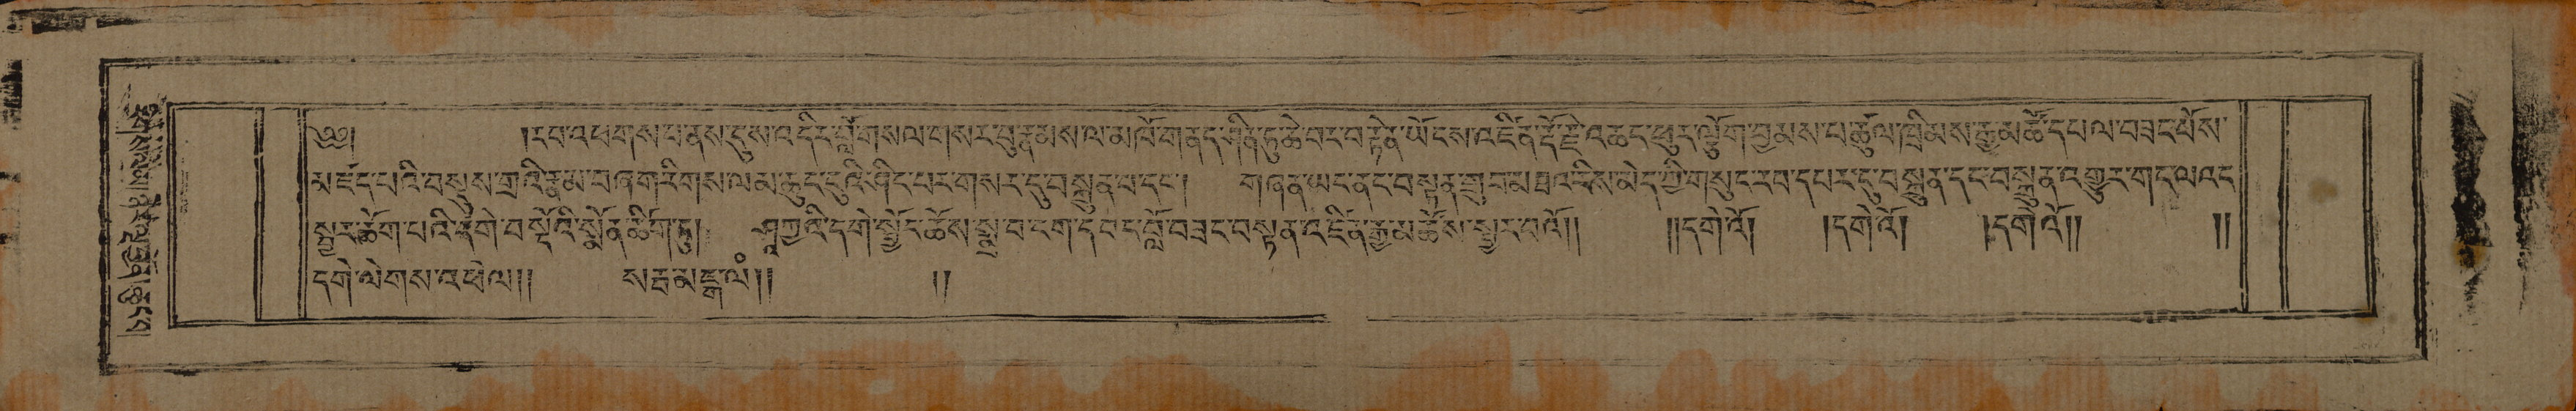༄༅། །རབ་འཕགས་པ་ནས་དུས་འདིར་བློ་གསལ་གསར་བུ་རྣམས་ལ་མཁོ་གནད་ཤིན་ཏུ་ཆེ་བར་བརྟེན་ཡོངས་འཛིན་རྡོ་རྗེ་འཆང་ཕུར་ལྕོག་བྱམས་པ་ཚུལ་ཁྲིམས་རྒྱ་མཚོ་དཔལ་བཟང་པོས་
མཛད་པའི་བསྡུས་གྲའི་རྣམ་བཞག་རིགས་ལམ་ཆུང་ངུའི་ཤིང་པར་གསར་དུ་བསྐྲུན་པ་དང་། གཞན་ཡང་ནང་བསྟན་གྲུབ་མཐའ་རིས་མེད་ཀྱི་གསུང་རབ་དཔར་དུ་བསྐྲུན་དང་བསྐྲུན་འགྱུར་གང་ལའང་
སྦྱར་ཆོག་པའི་དགེ་བསྔོའི་སྨོན་ཚིག་ཏུ། ཤཱཀྱའི་དགེ་སྦྱོང་ཆོས་སྨྲ་བ་ངག་དབང་བློ་བཟང་བསྟན་འཛིན་རྒྱ་མཚོས་སྦྱར་བའོ།། །།དགེ་འོ། །དགེ་འོ། །དགེ་འོ།། །
དགེ་ལེགས་འཕེལ།། སྲྦ་མངྒ་ལཾ།། །།